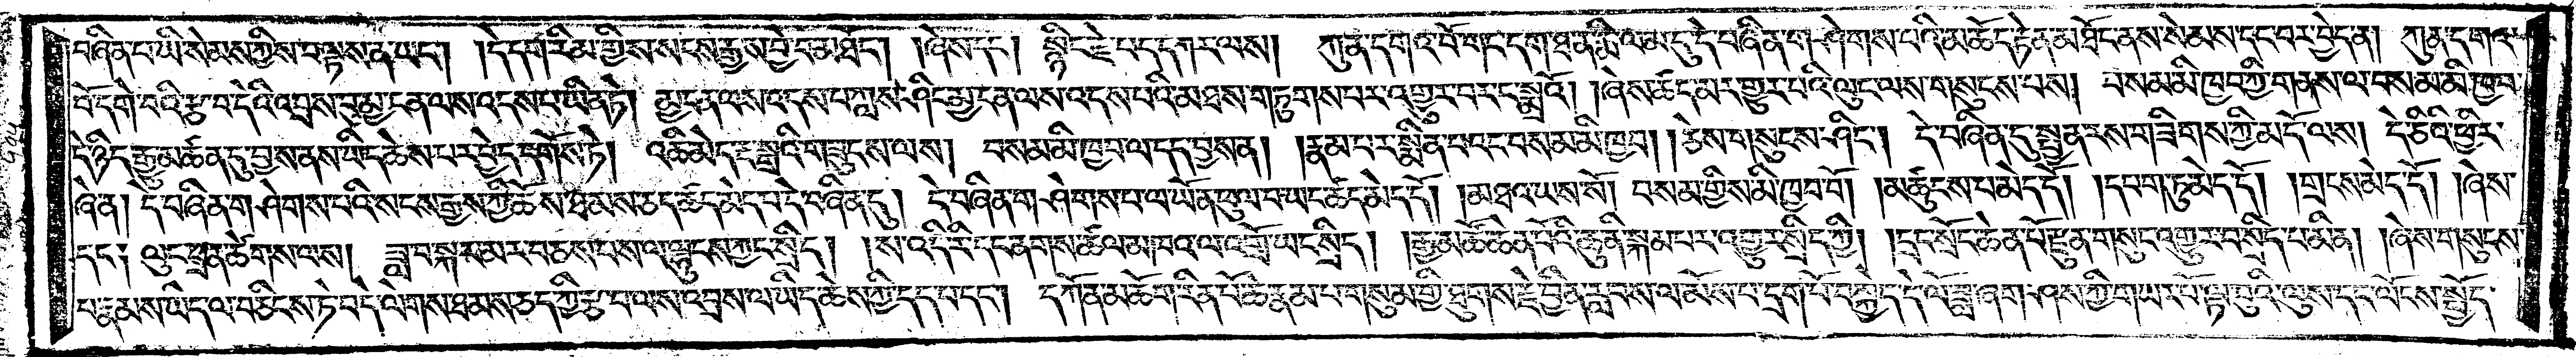བཞིན་པ་ཡི་སེམས་ཀྱིས་བལྟས་ན་ཡང་། །དེ་དག་རིམ་གྱིས་སངས་རྒྱས་བྱེ་བ་མཐོང་། །ཞེས་དང་། སྙིང་རྗེ་པད་དཀར་ལས། ཀུན་དགའ་བོ་གང་དག་ཐ་ན་རྨི་ལམ་དུ་དེ་བཞིན་གཤེགས་པའི་མཆོད་རྟེན་མཐོང་ནས་སེམས་དང་བར་བྱེད་ན། ཀུན་དགའ་
བོ་དགེ་བའི་རྩ་བ་དེའི་འབྲས་བུ་མྱ་ངན་ལས་འདས་པ་ཡིན་ཏེ། མྱ་ངན་ལས་འདས་པ་ཀླས་ཤིང་མྱ་ངན་ལས་འདས་པའི་མཐས་གཏུགས་པར་འགྱུར་བར་ང་སྨྲའོ། །ཞེས་ཚད་མར་གྱུར་པའི་ལུང་ལས་གསུངས་པས། བསམ་མི་ཁྱབ་ཀྱི་གནས་ལ་བསམ་མི་ཁྱབ་
དེ་ཉིད་རྒྱུ་མཚན་དུ་བྱས་ནས་ཡིད་ཆེས་པར་བྱེད་དགོས་ཏེ། འཆི་མེད་རྔ་སྒྲའི་གཟུངས་ལས། བསམ་མི་ཁྱབ་ལ་དད་བྱས་ན། །རྣམ་པར་སྨིན་པའང་བསམ་མི་ཁྱབ། །ཅེས་གསུངས་ཤིང་། དེ་བཞིན་དུ་སྤྱན་རས་གཟིགས་ཀྱི་མདོ་ལས། དེ་ཅིའི་ཕྱིར་
ཞེ་ན། དེ་བཞིན་གཤེགས་པའི་སངས་རྒྱས་ཀྱི་ཆོས་ཐམས་ཅད་ཚད་མེད་པ་དེ་བཞིན་དུ། དེ་བཞིན་གཤེགས་པ་ལ་ཡོན་ཕུལ་བ་ཡང་ཚད་མེད་དོ། །མཐའ་ཡས་སོ། བསམ་གྱིས་མི་ཁྱབ་བོ། །མཚུངས་པ་མེད་དོ། །དཔག་ཏུ་མེད་དོ། །གྲངས་མེད་དོ། །ཞེས་
དང༑ ལུང་ཕྲན་ཚོགས་ལས། ཟླ་བསྐར་མར་བཅས་བས་ལྷུངས་ཀྱང་སྲིད། །ས་འདི་རི་དང་ནགས་ཚལ་མཁའ་ལ་འགྲོ་ཡང་སྲིད། །རྒྱ་མཚོ་ཆེན་པོའི་ཆུ་ནི་སྐམ་པར་འགྱུར་སྲིད་ཀྱི། །དྲང་སྲོང་ཆེན་པོ་རྫུན་གསུང་འགྱུར་བསྲིད་པ་མིན། །ཞེས་གསུངས་
པ་རྣམས་ཡིད་ལ་བཅིངས་ཏེ་བདེ་ལེགས་ཐམས་ཅད་ཀྱི་རྩ་བ་ལས་འབྲས་ལ་ཡིད་ཆེས་ཀྱི་དད་པ་དང་། དཀོན་མཆོག་རིན་པོ་ཆེ་རྣམ་པ་གསུམ་གྱི་ཐུགས་རྗེ་བྱིན་རླབས་ལ་མོས་པ་དྲག་པོ་བསྐྱེད་དེ་ལོ་ཟླ་ཞག་ཤས་ཀྱི་གཡར་པོ་ལྟ་བུའི་ལུས་དང་ལོངས་སྤྱོད་